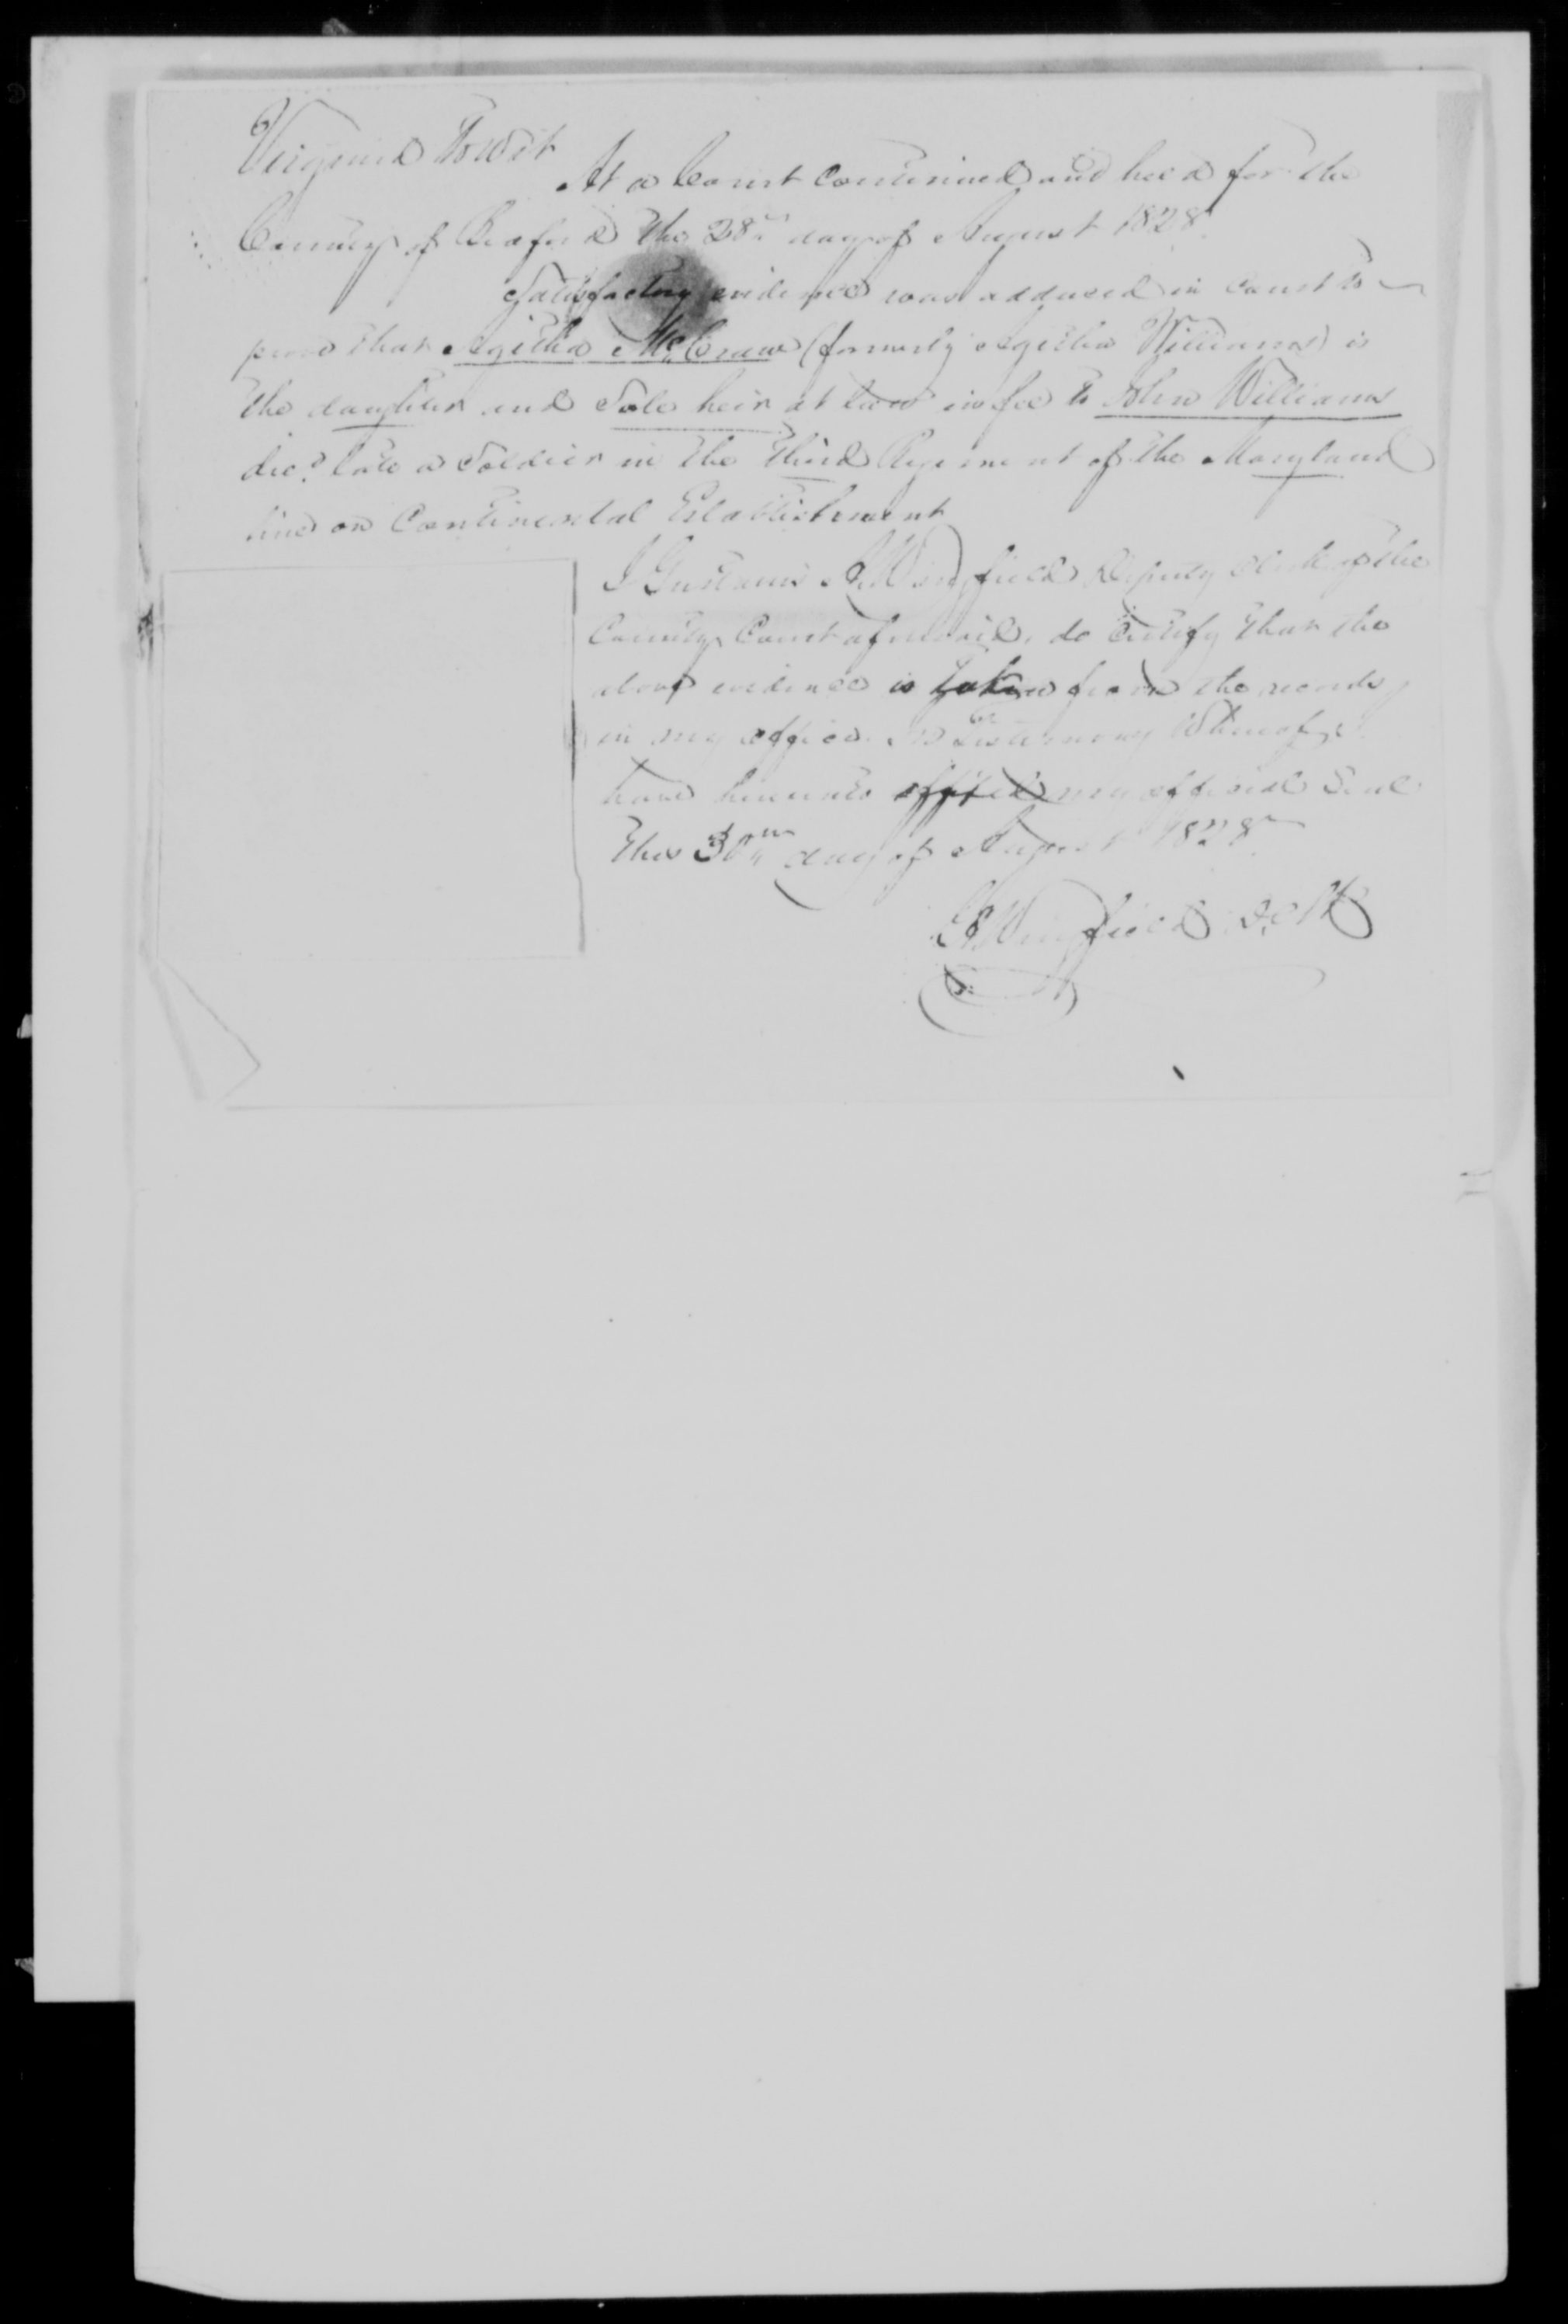Virginia to wit
At a Court continued and held for the
County of Bedford the 28~ day of August 1828.
Satisfactory evidence was added in court to
prove that Agatha McCraw (formerly Agatha Williams)is
the daughter and sole heir at law in fee to John Williams
died. late a Soldier in the third Regiment of the Maryland
line on Continental Establishment
I Gardiner C. Vanfield Deputy clerk of the
County Court aforesaid, do certify that the
above evidence is taken form the records
in my offices. In Testimony Whereof I
have hereunto affixed my official Seal
This 30~ day of August 1828.
G.C. Winfield D.Clk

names: Gardiner C Vanfield, Agitha Mc Craw, John Williams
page: 8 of 8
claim: bounty land warrant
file: B. L. Wt. 1363-100, John Williams, Md.